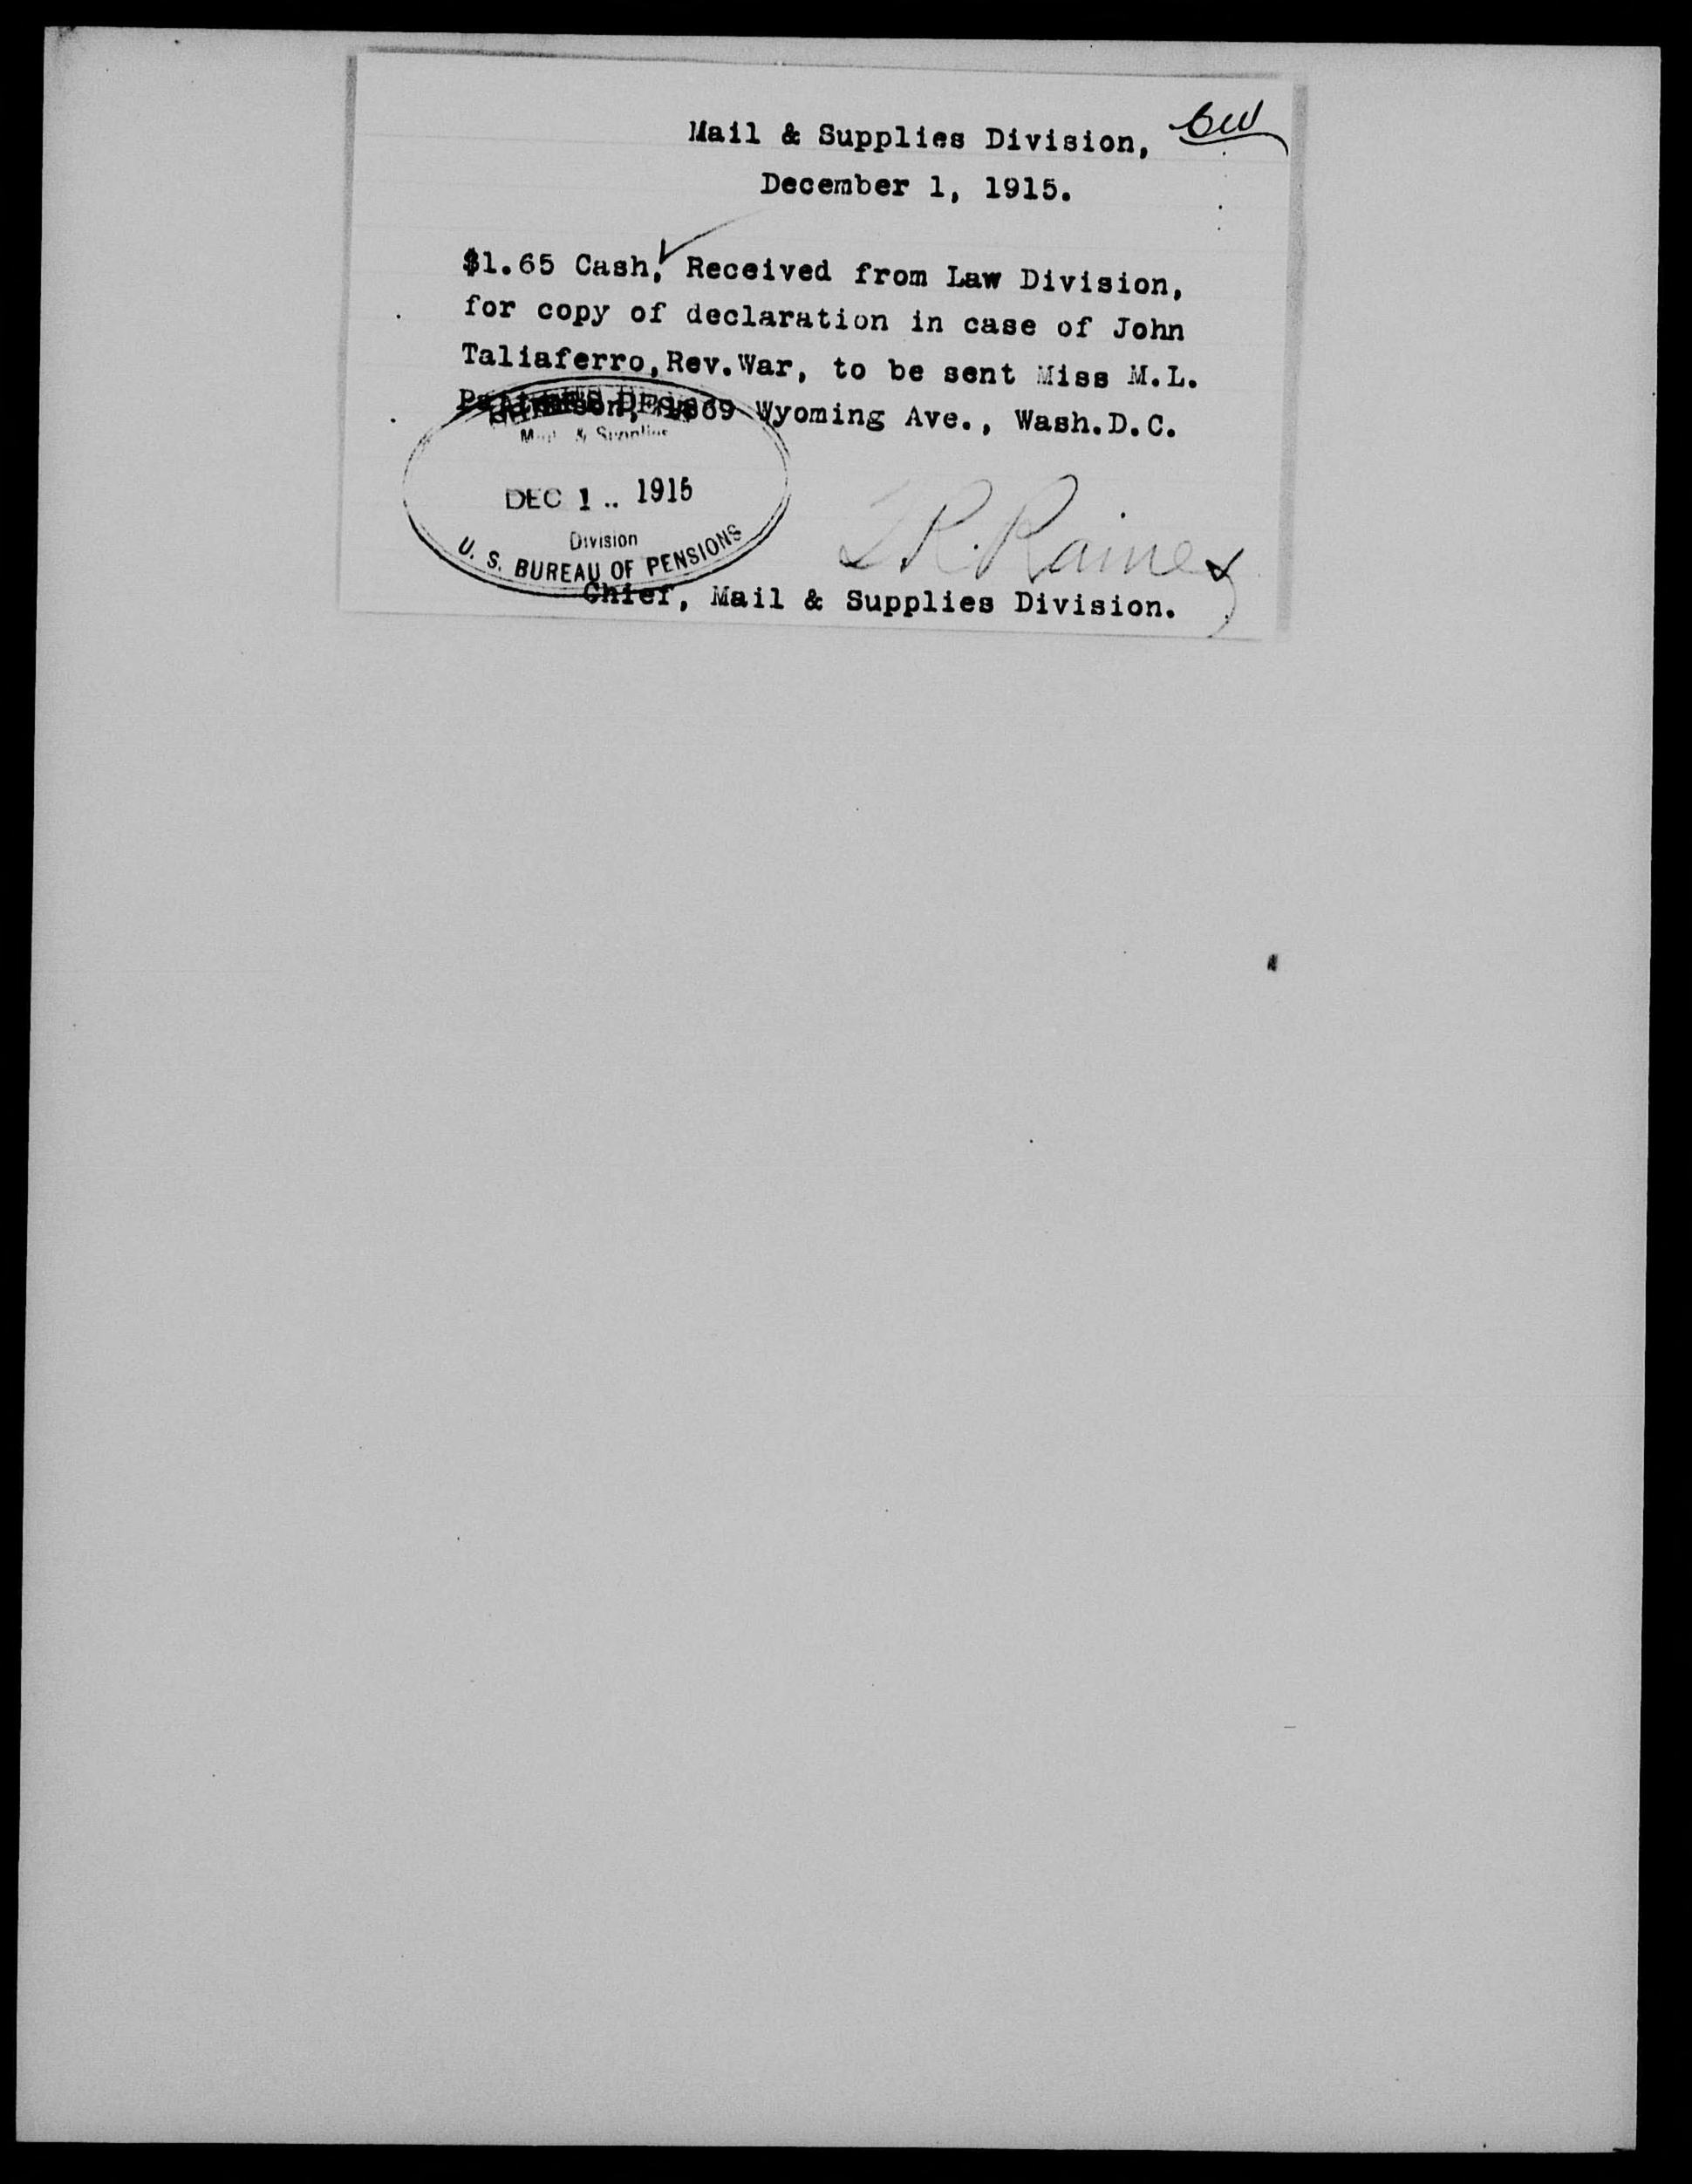Mail & Supplies Division, December 1, 1915
[handwritten initials] C W
$1.65 Cash, received from Law Division, for copy of declaration in case of John Taliaferro, Rev.War to be sent to Miss M. L. Patterson, 1869 Wyoming Ave, Wash.D.C.
J.R. Raines
Chief, Mail & Supplies Division
[oval stamp]
Mail & Supplies
Dec 1 1915
Division
U.S. Bureau of Pensions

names: John Taliaferro; J R Raines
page: 27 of 34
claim: survivor's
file: S. 19483, for John Taliaferro, Virginia